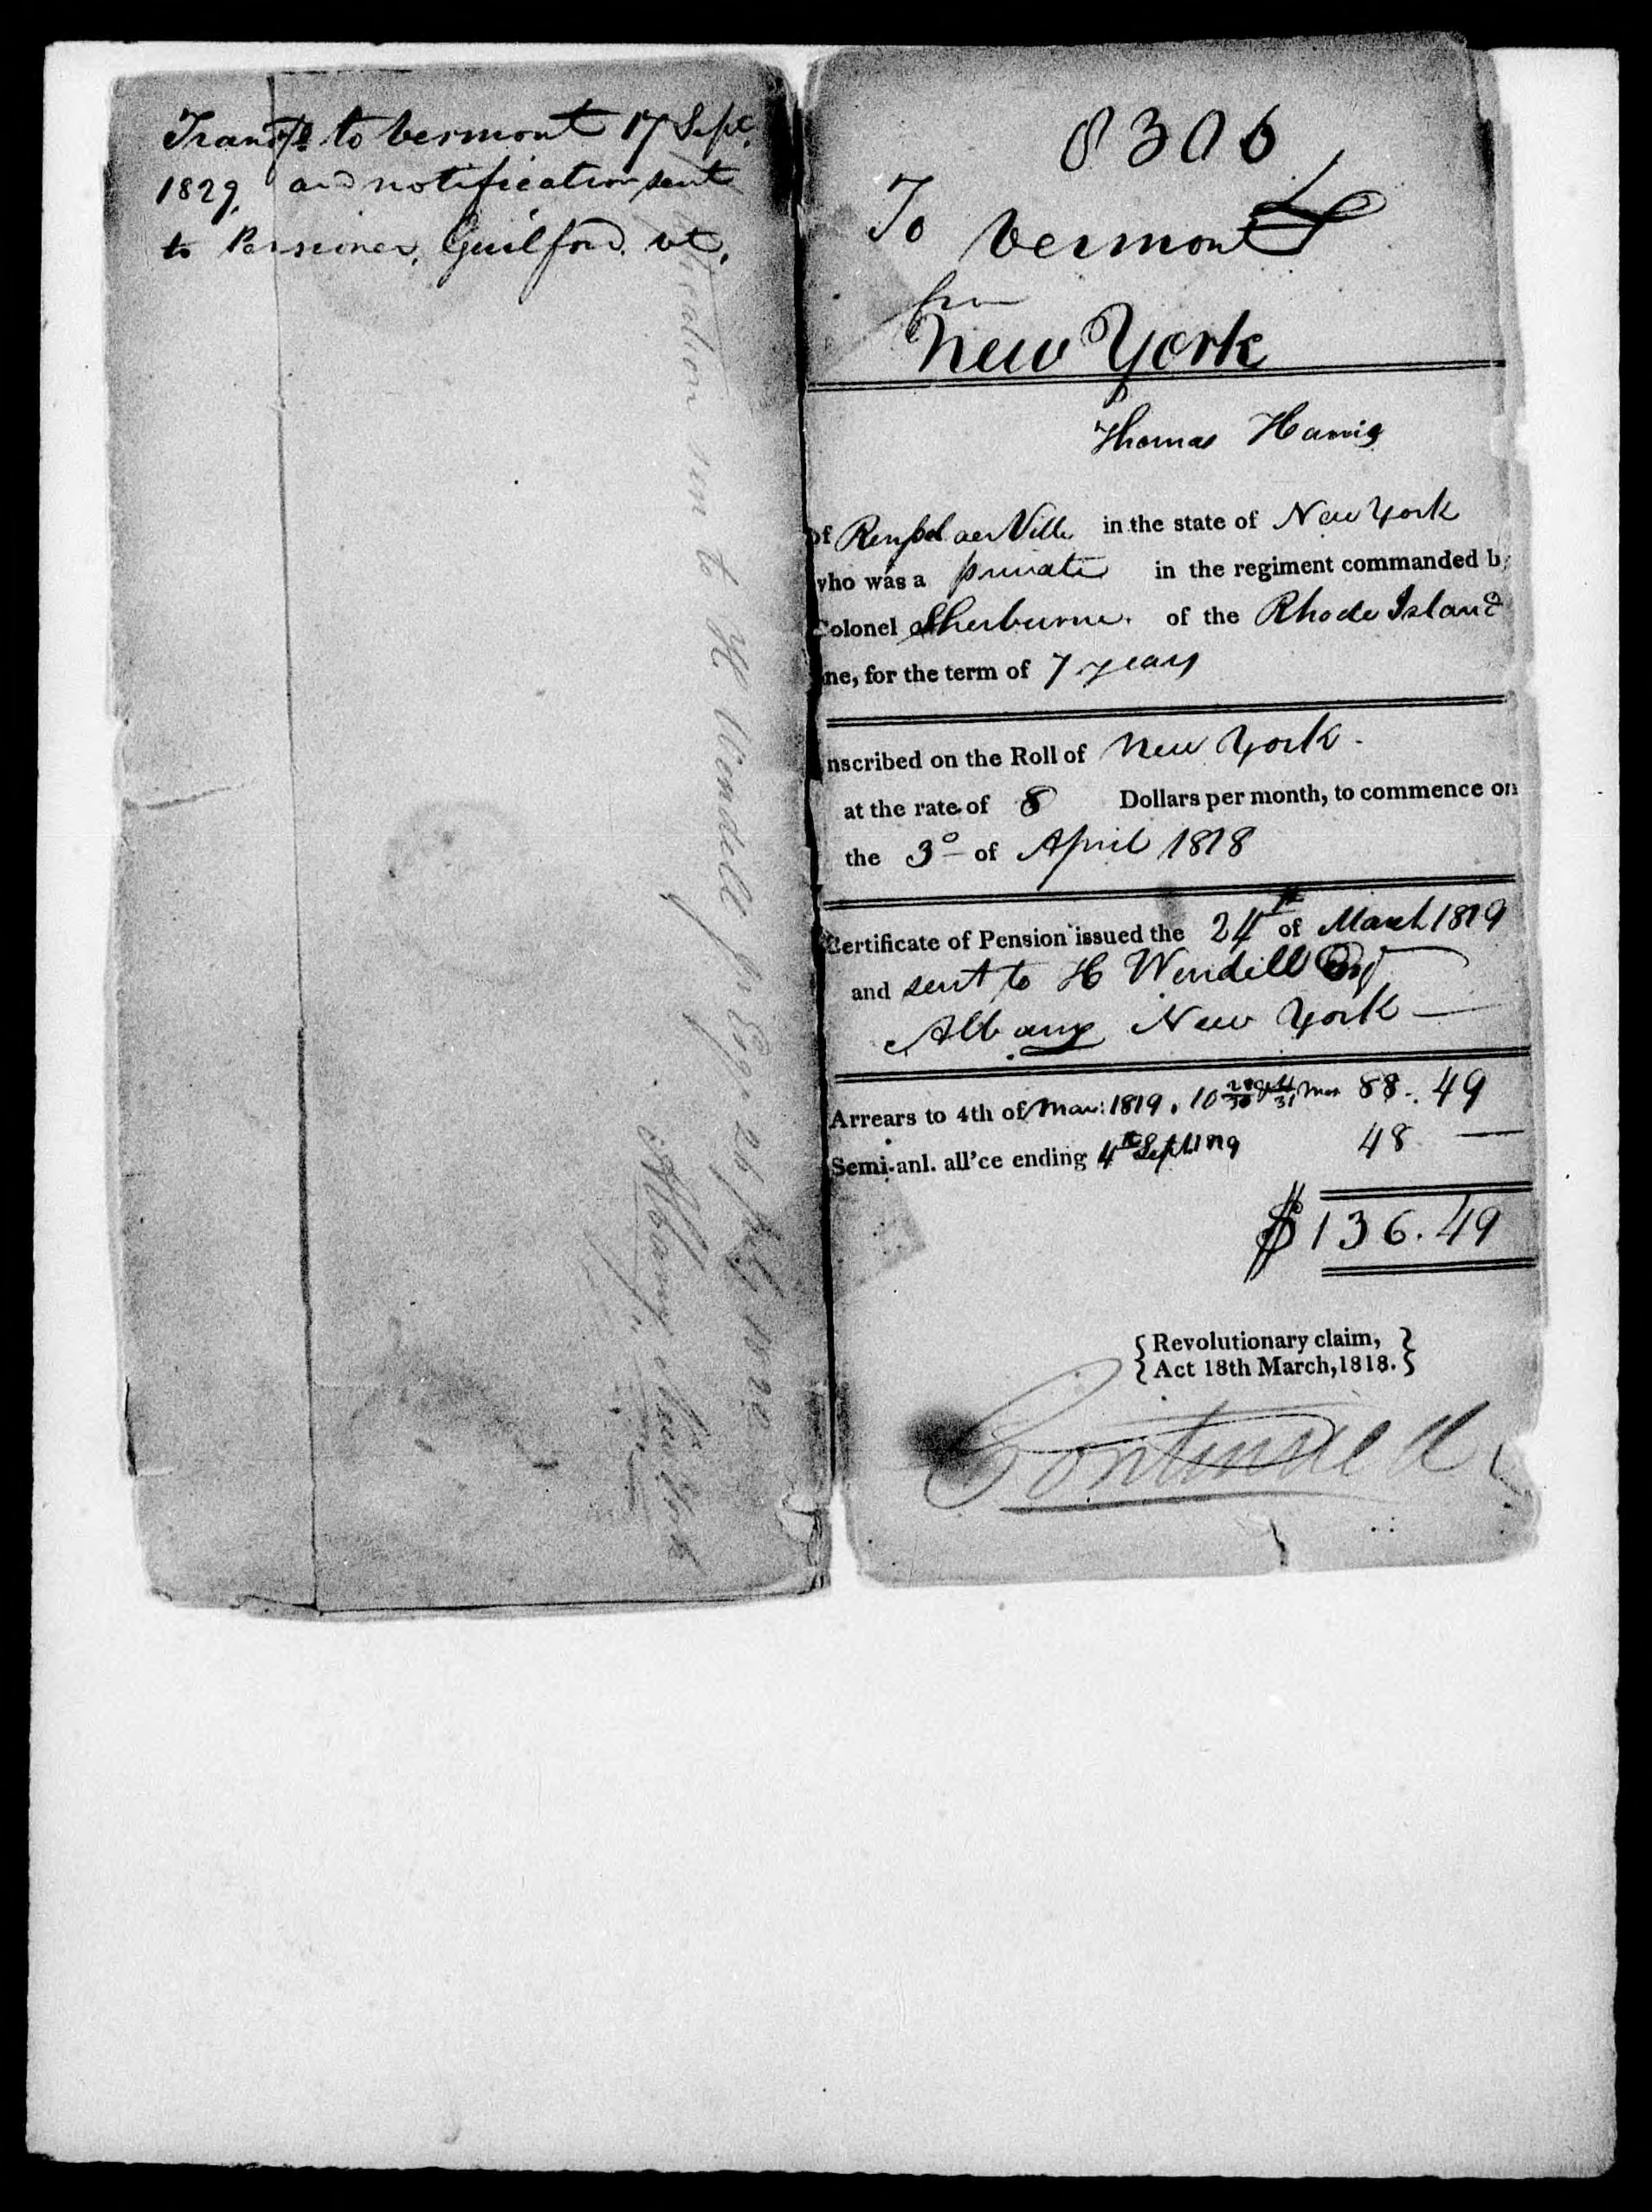Transf to Vermont 17 Sept
1829 and notification sent
to Pensioner, Guilford, Vt
[illegible] sen to H Wendell Jr, Esq
Albany New York 26 July 1820 
Albany
New York
---
s306
To Vermont from New York
Thomas Harris
of Renselaerville in the state of New York
who was a private in the regiment commanded by Colonel Sherburne of the Rhode Island
line, for the term of 7 years
inscribed on the Roll of New York
at the rate of 8 Dollars per month, to commence on
the 3d of April 1818
Certificate of Pension issued the 24th of March 1819
and sent to H Wendell Esq
Albany New York
Arrears to 4th of Mar 1819, 10 20/30 pd 31 mos. 88.49
Semi-anl. all'ce ending 4th Sept 1819
48.00
---
$136.49
{Revolutionary claim,
Act 18th March, 1818 }
Continued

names: H Wendell, Sherburne, Thomas Harris, H Wendell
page: 2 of 16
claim: survivor's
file: S. 38815, Thomas Harris, R.I.